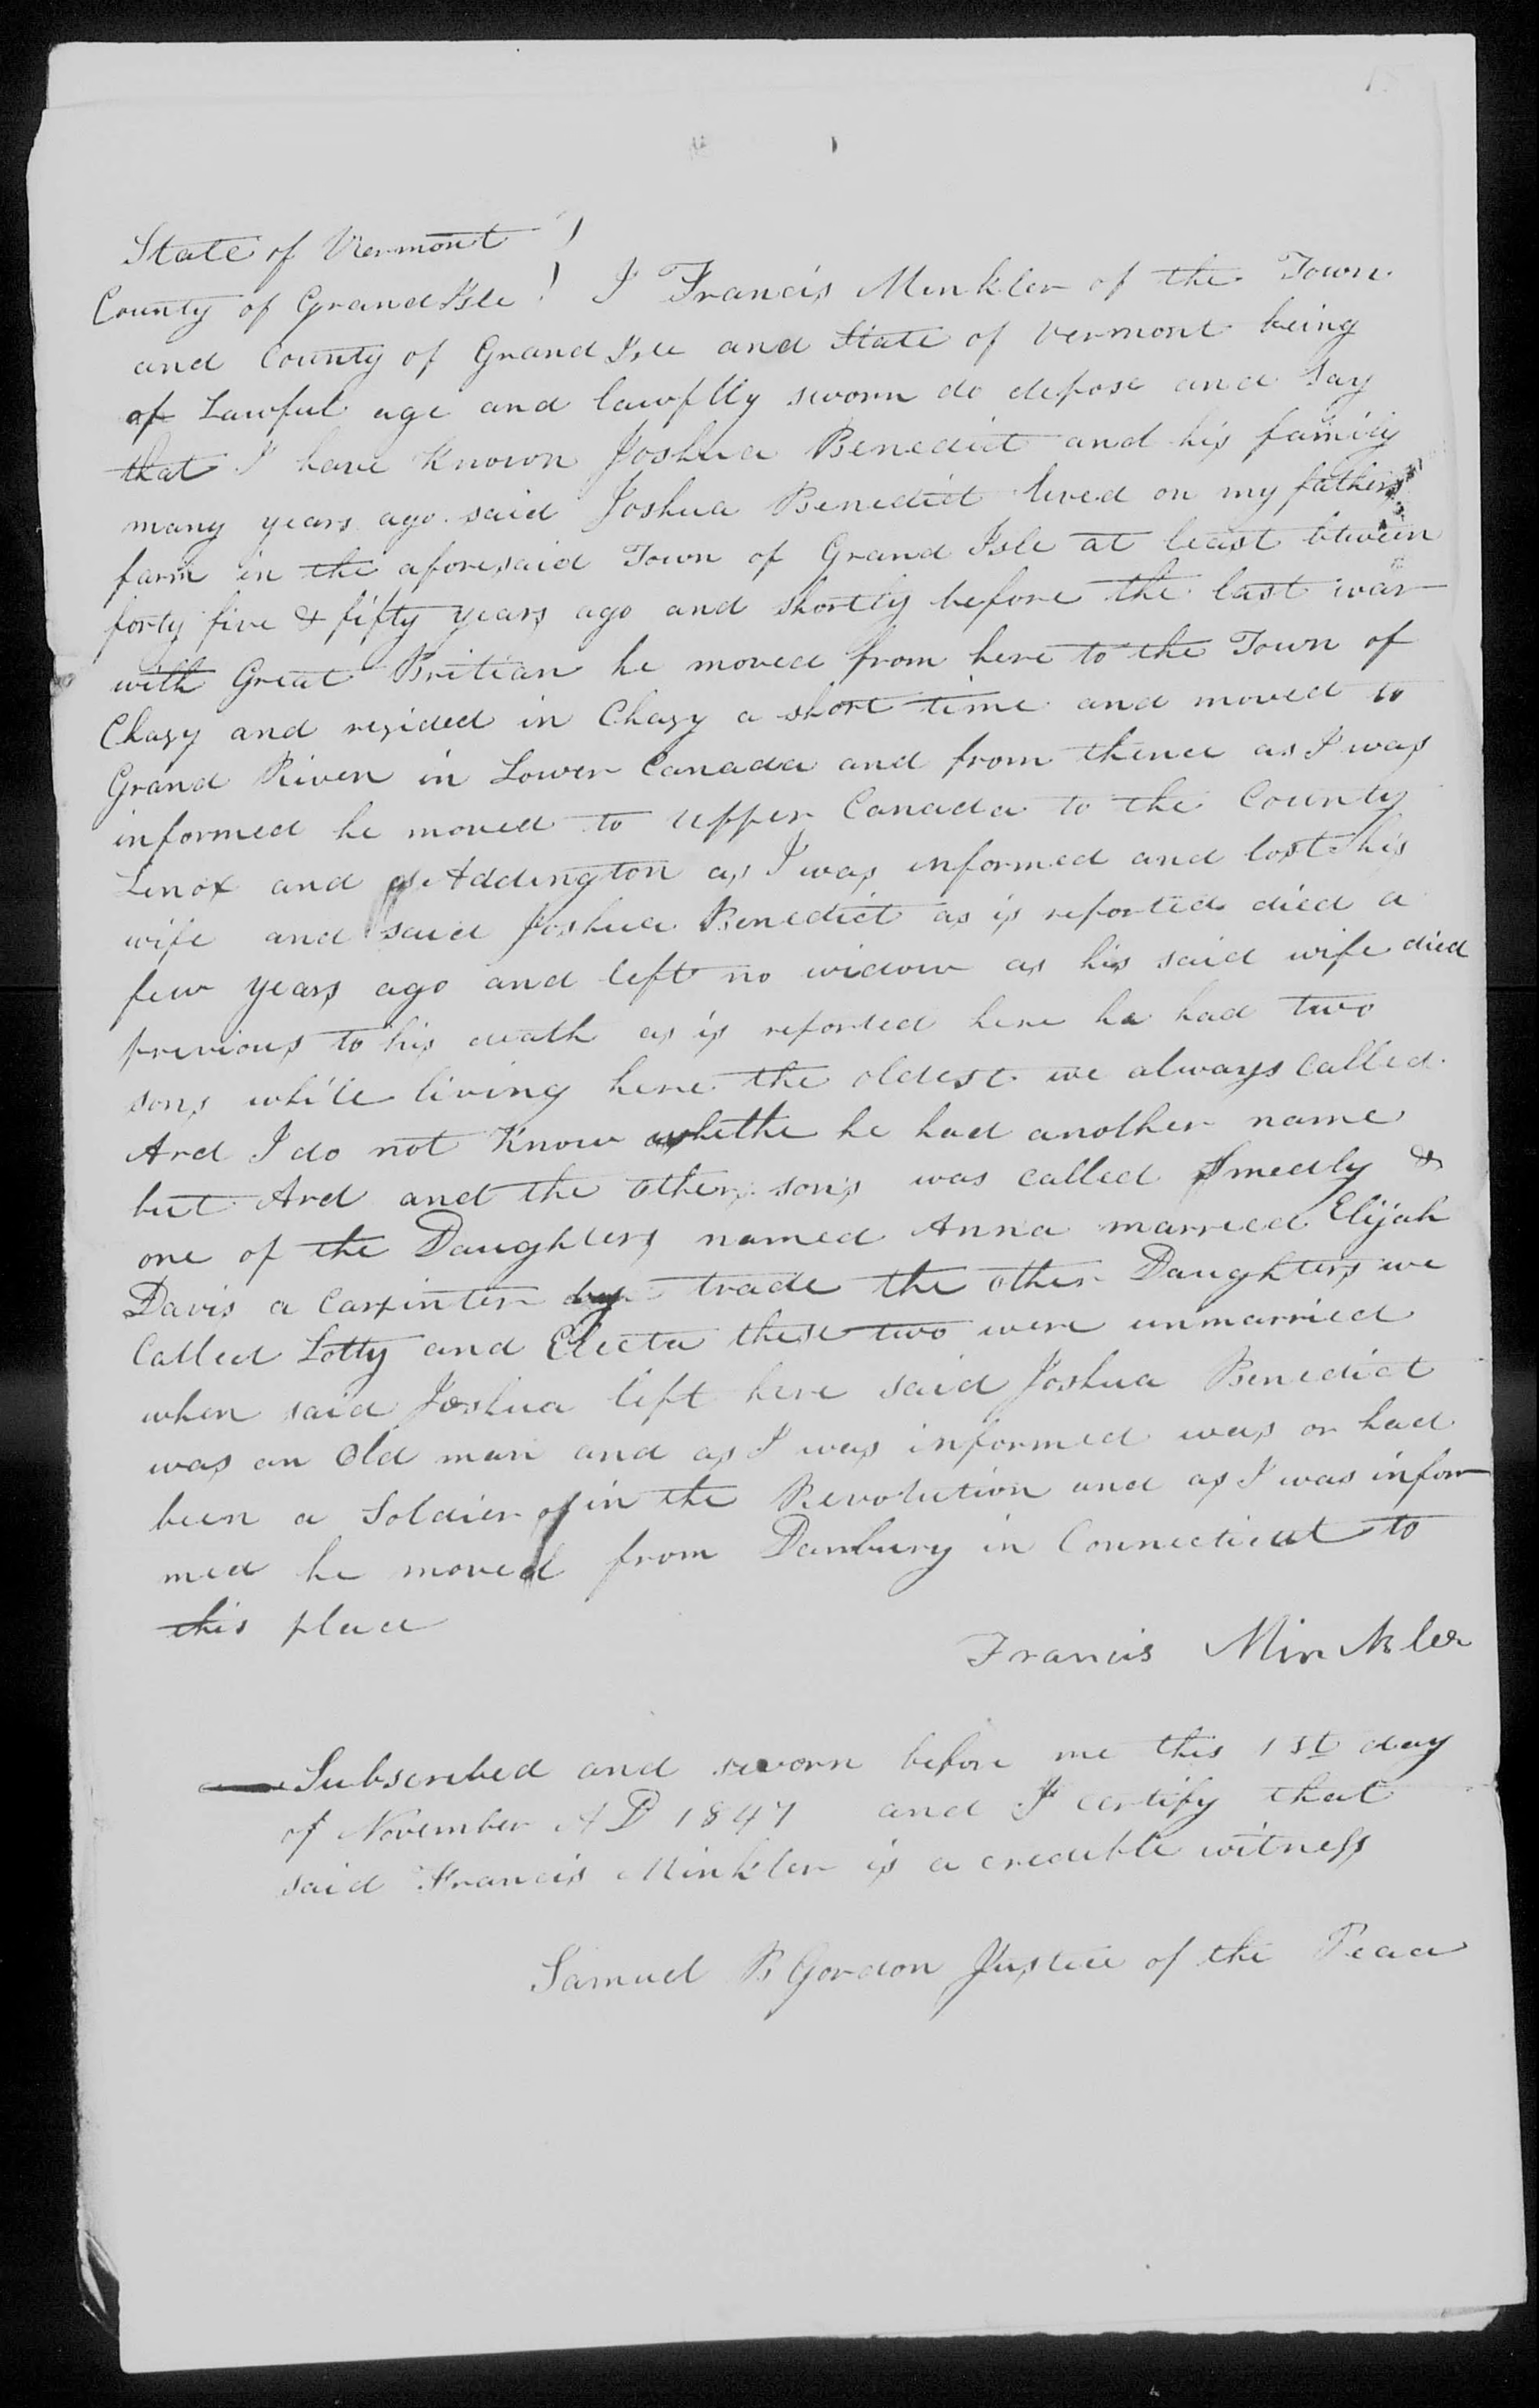State of Vermont
County of Grand Isle } I Francis Minkler of the Town and County of Grand Isle and State of Vermont being of Lawful age and lawfully sworn do depose and say that I have known Joshua Benedict and his family many years ago said Joshua Benedict lived on my father's farm in the aforesaid Town of Grand Isle at least between forty five & fifty years ago and shortly before the last war with Great Britain he moved from here to the Town of Chasy and resided in Chasy a short time and moved to Grand River in Lower Canada and from thence as I was informed he moved to Upper Canada to the County Lenox [Lennox] and Addington as I was informed and lost his wife and said Joshua Benedict as is reported died a few years ago and left no widow as his said wife died previous to his death as is reported here he had two sons while living here, the oldest we always called Ard I do not know whether he had another name but Ard and the other son's was called Smedly & one of the Daughters named Anna married Elijah Davis a Carpinter [carpenter] by trade the other Daughters we called Letty and Electa these two were unmarried when said Joshua left here said Joshua Benedict was an Old man and as I was informed was or had been a Soldier in the Revolution and as I was informed he moved from Danbury in Connecticut to this place
Francis Minkler

Subscribed and sworn before me this 1st day of November AD 1847 and I certify that said Francis Minkler is a credible witness

Samuel B Gordon Justice of the Peace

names: Francis Minkler, Samuel B Gordon, Joshua, Electa, Joshua Benedict, Francis Minkler, Francis Minkler, Ard, Joshua Benedict, Elijah Davis, Smedly, Lotty, Joshua Benedict, Anna, Ard, Joshua Benedict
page: 78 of 106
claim: survivor's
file: S 23,116., Joshua Benedict, Conn.